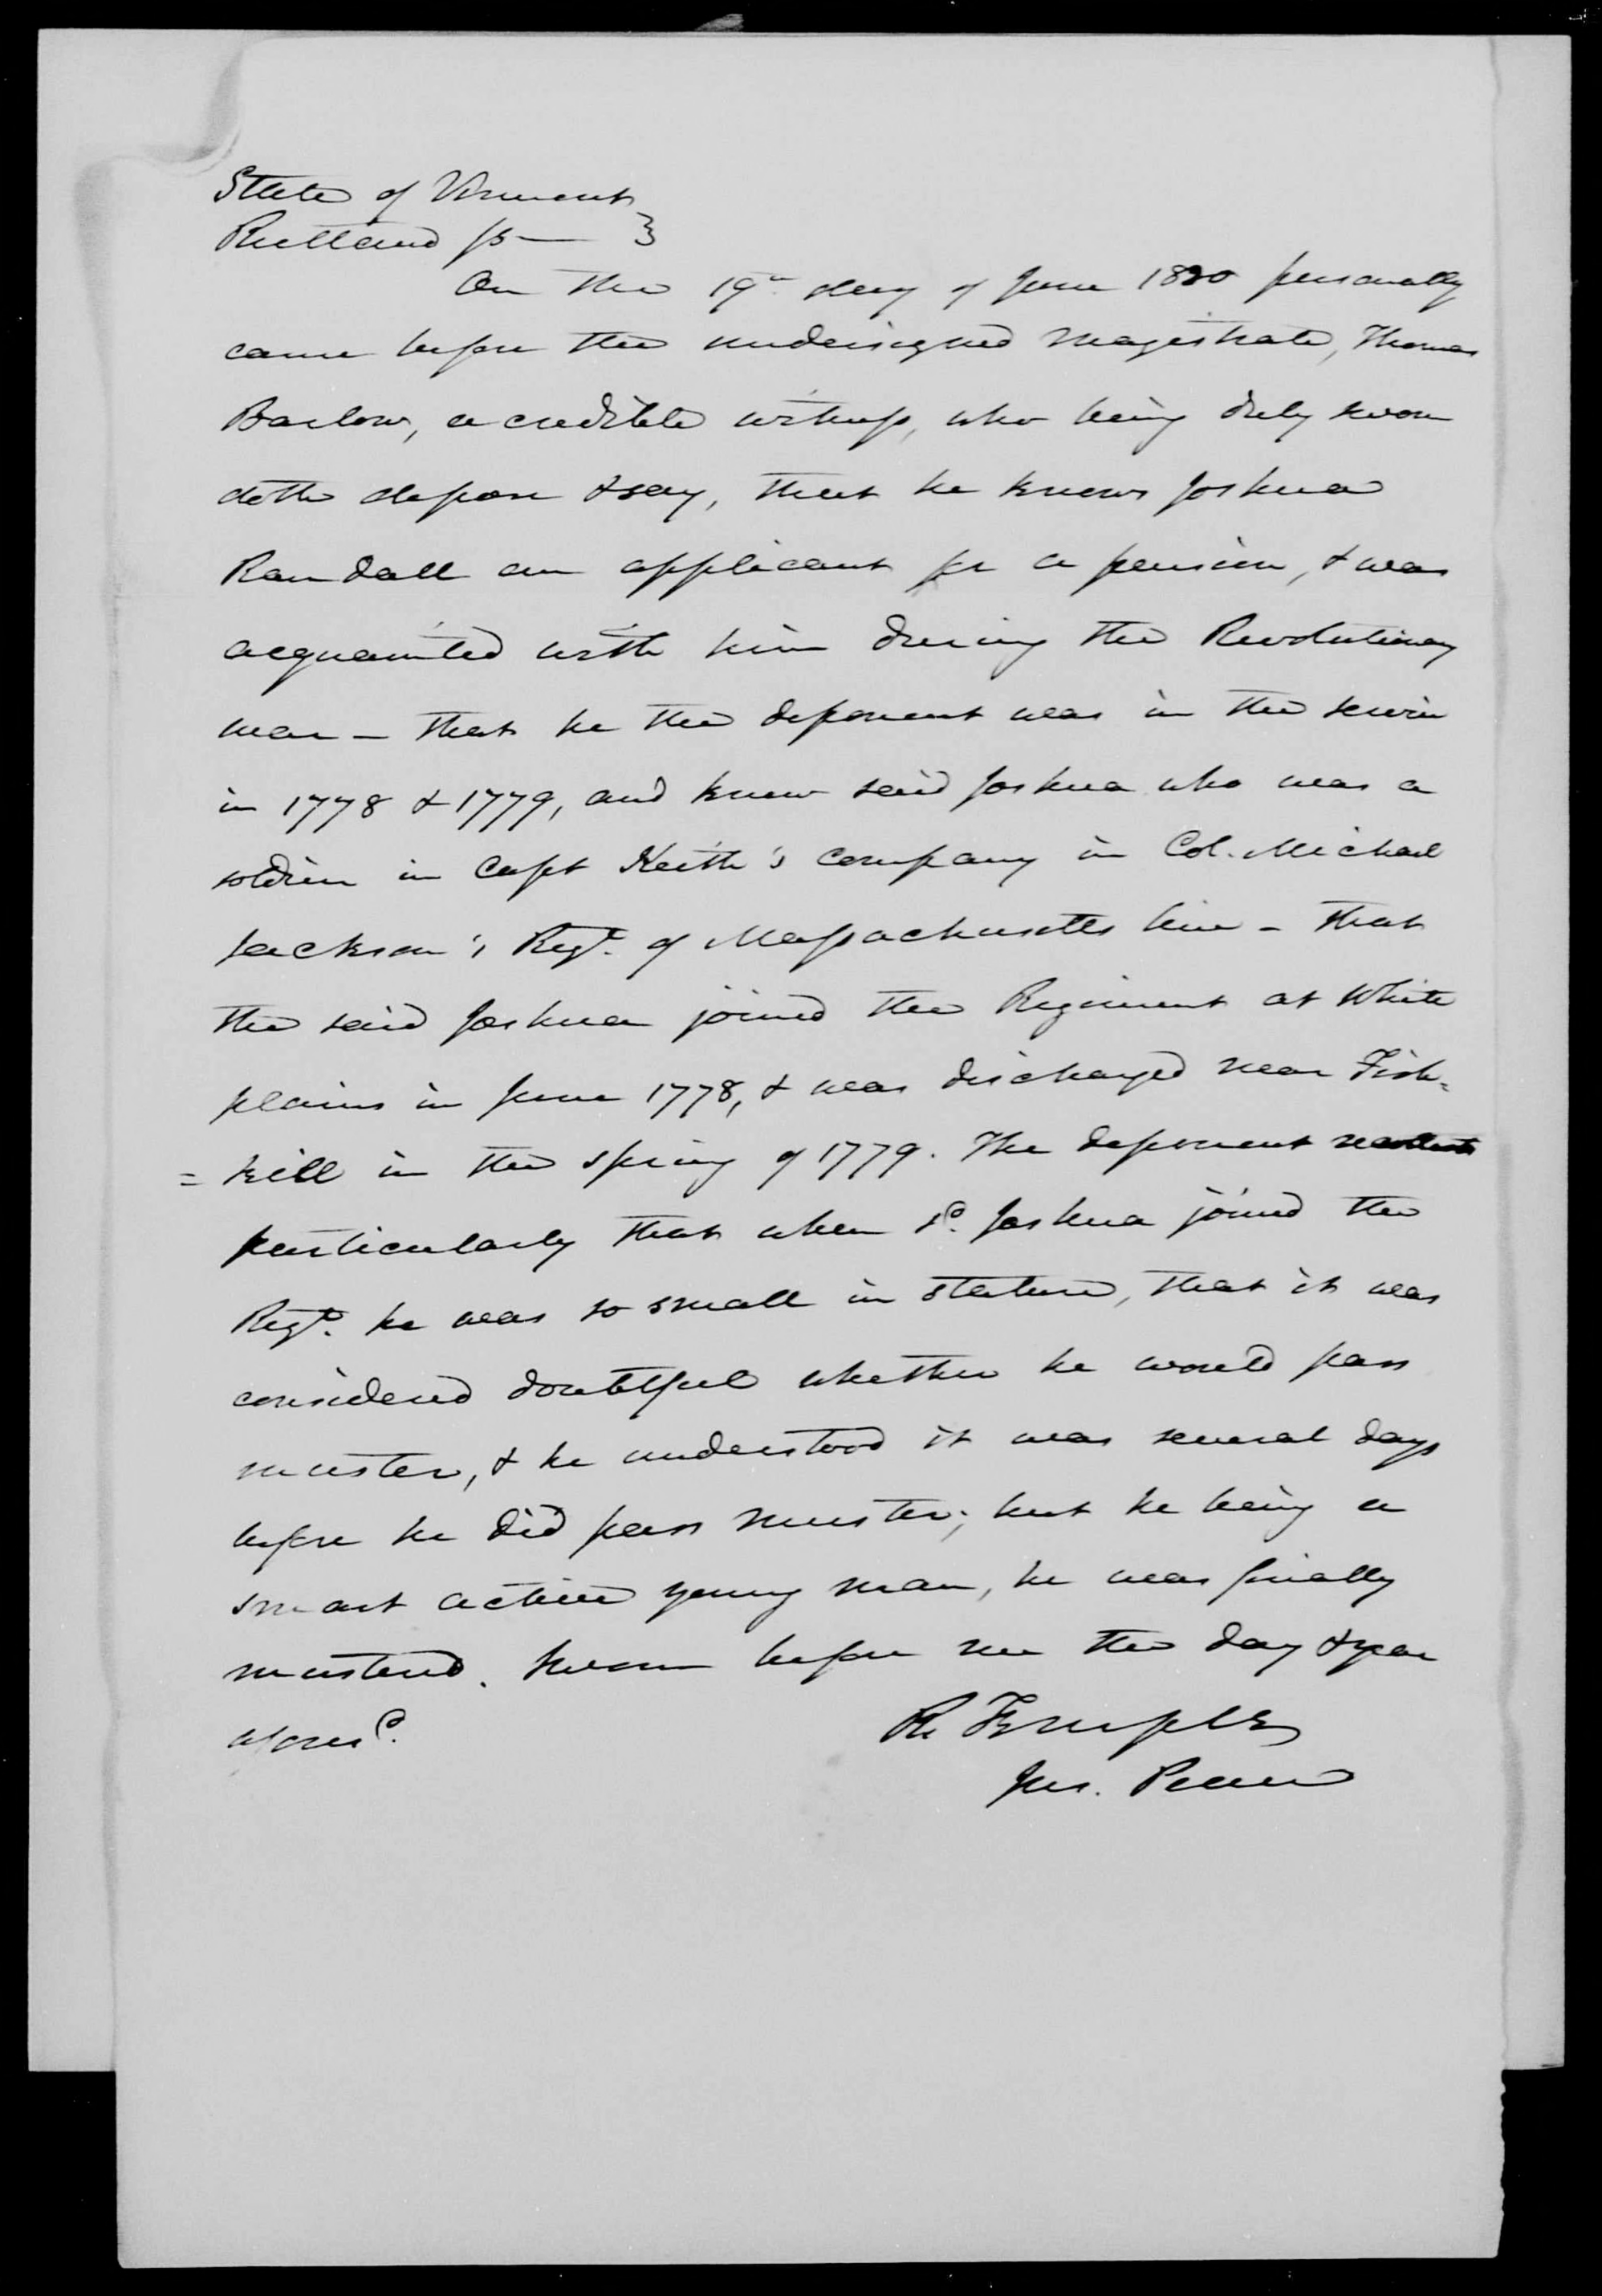State of Vermont Rutland ss-
On the 19th day of June 1830 personally
came before the undersigned magistrate, Thomas
Barlow, a credible witness, who being duly sworn
doth depose & say, that he knows Joshua
Randall an applicant for a pension & was
acquainted with him during the Revolutionary war.
That he the deponent was in the service
in 1778 & 1779, and knew said Joshua who was a
soldier in Capt Keith's company in Col. Michael
Jackson’s Regt of Massachusetts line. That the
said Joshua joined the Regiment at White
Plains in June 1778, & was discharged near Fishkill
 in the spring of 1779. The deponent recollects
particularly that when sd Joshua joined the
Regt he was so small in stature, that it was
considered doubtful whether he would pass
Muster. & he understood it was several days
before he did pass muster; but he being a
smart active young man, he was finally
Mustered. Sworn before me the day & year
afores’d.
R Temple
Jus. Peace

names: Thomas Barlow; Joshua Randall; R Temple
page: 15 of 20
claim: survivor's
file: S. 41,090, for Joshua Randall, Massachusetts